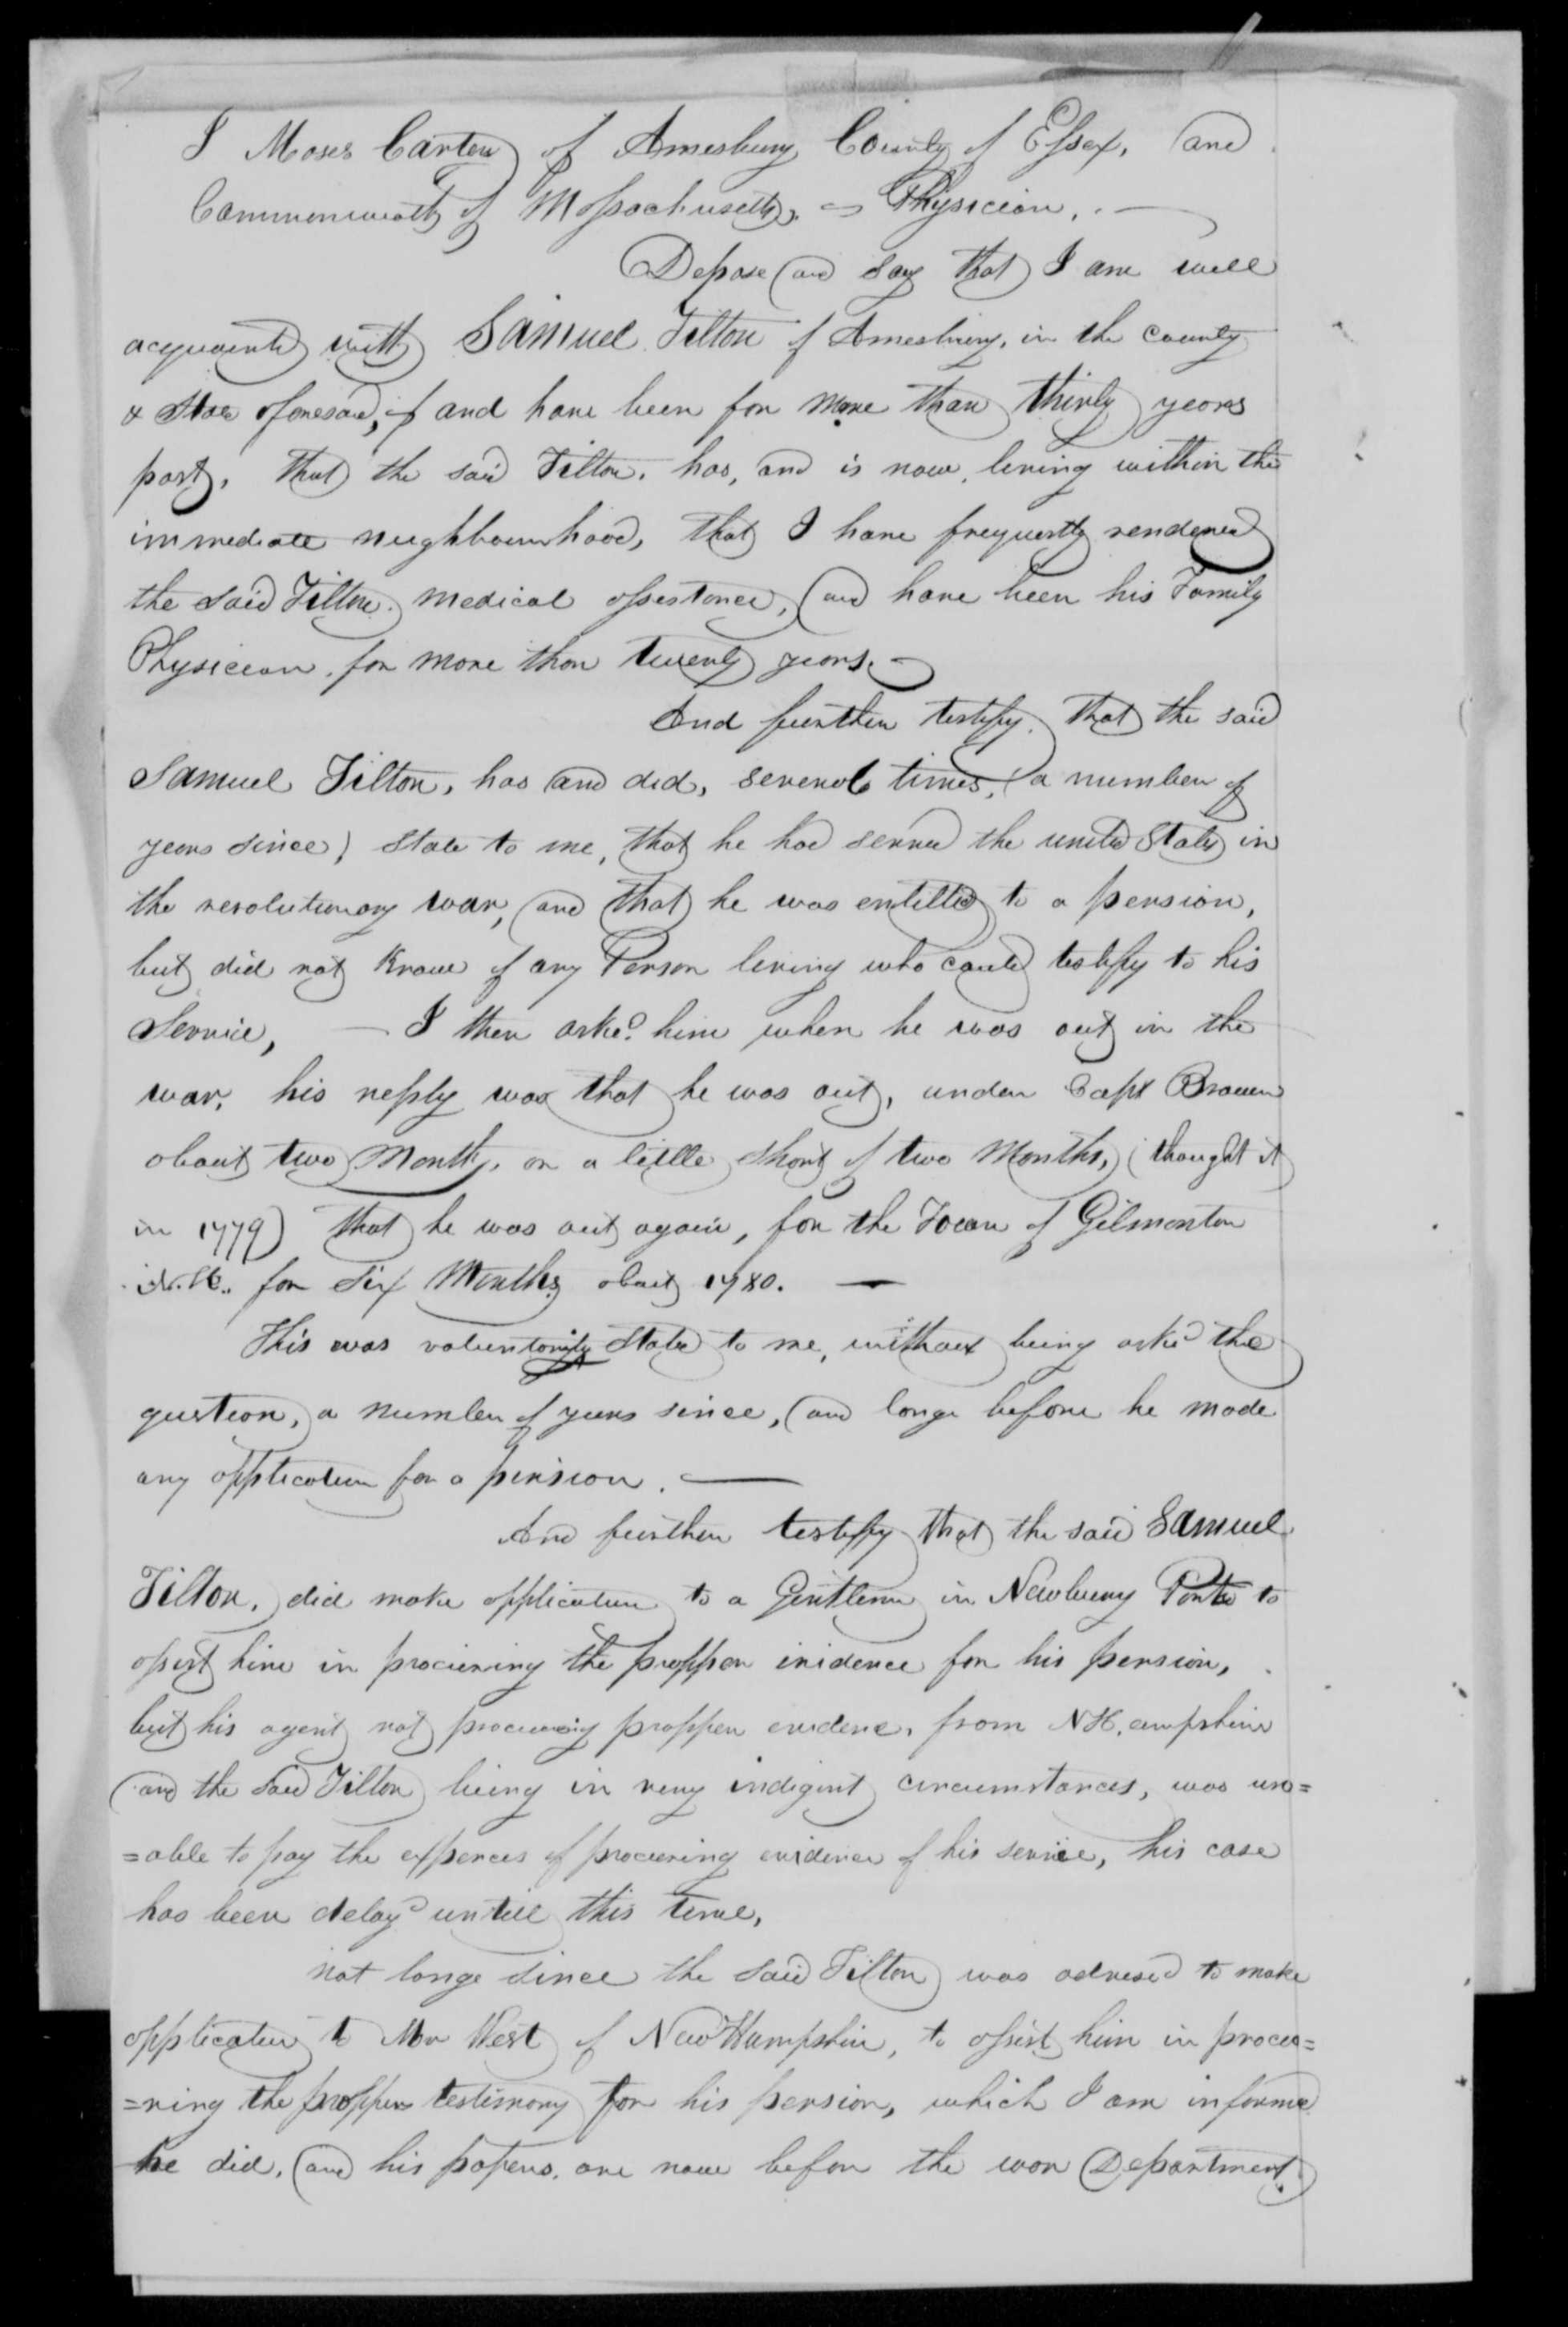I Moses Carten of Amesbury County of Essex, and Commonweath of Massachusetts Physician
Depose and say that I am well acquainted with Samuel Tilton of Amesbury in the County and State aforesaid, and have been for more than thirty years past, that the said Tilton, has, and is now living within the immediate neighbourhood, that I have frequently rendered the said Tilton medical assistance, and have been his Family Physician for more than twenty years. And further testify, that the said Samuel Tilton, has and did, several times, (a number of years since,) state to me, that he had served the United States in the revolutionary war, and that he was entitled to a pension, but did not know of any Person living who could testify to his Service. I then asked him when he was out in the war, his reply was that he was out, under Capt Brown about two Months, or a little short of two Months, (thought it
in 1779) that he was out again, for the Town of Gilmanton N. H. for Six Months about 1780.
This was voluntarily Stated to me, without being asked the question, a number of years since, and longer before he made any application for a pension.
And further testify that the said Samuel Tilton, did make application to a Gentleman in Newbury Port to assist him in procuring the propper evidence for his pension, but his agent not procuring propper evidence from N Hampshire and the said Tilton, being in very indigent circumstances, was unable to pay the expences of procuring evidence of his service, his case has been delayd untill this time,
not long since the said Tilton was advised to make application
to Mr West of New Hampshire, to assist him in procuring the propper testimony for his pension, which I am informed he did, and his papers, are now before the war Department.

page: 51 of 55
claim: widow's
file: W. 14,021, for Samuel Tilton, New Hampshire